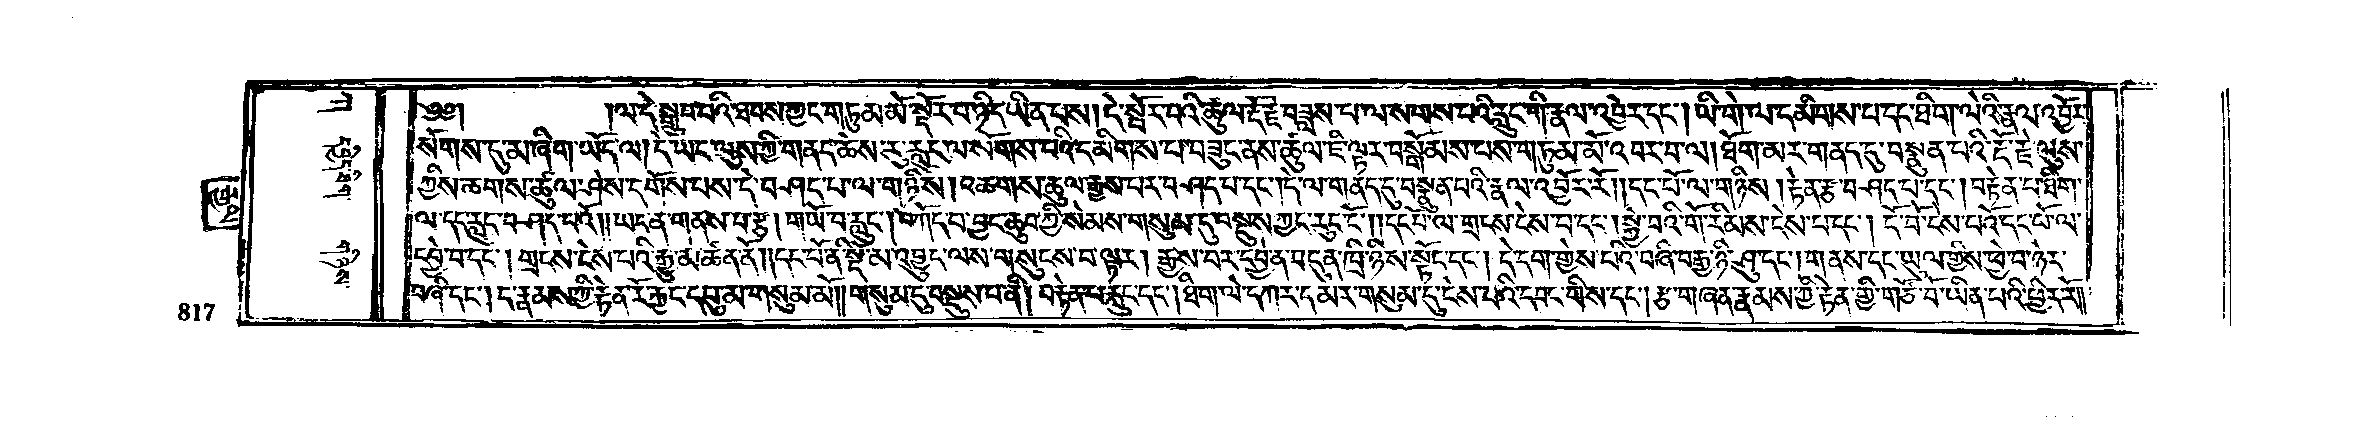༄༅། །ལ་དེ་སྒྲུབ་པའི་ཐབས་ཀྱང་གཏུམ་མོ་སྡོར་བ་ཉིད་ཡིན་པས། དེ་སྤོར་བའི་ཚུལ་རྡོ་རྗེ་བཟླས་པ་ལ་སོགས་པའི་རླུང་གི་རྣལ་འབྱོར་དང་། ཡི་གེ་ལ་དམིགས་པ་དང་ཐིག་ལེའི་རྣལ་འབྱོར་
སོགས་དུ་མ་ཞིག་ཡོད་ལ། དེ་ཡང་ལུས་ཀྱི་གནད་ཆེས་རུ་རླུང་ལ་སོགས་པའི་དམིགས་པ་བཟུང་ནས་ཚུལ་ཇི་ལྟར་བསྒོམས་པས་གཏུམ་མོ་འབར་བ་ལ། ཐོག་མར་གནད་དུ་བསྣུན་པའི་རྡོ་རྗེ་ལུས་
ཀྱིས་ཆགས་ཚུལ་ཤེས་དགོས་པས་དེ་བཤད་པ་ལ་གཉིས། འཆགས་ཚུལ་རྒྱས་པར་བཤད་པ་དང་། དེ་ལ་གནད་དུ་བསྣུན་པའི་རྣལ་འབྱོར་རོ། །དང་པོ་ལ་གཉིས། རྟེན་རྩ་བཤད་པ་དང་། བརྟེན་པ་ཐིག་
ལ་དང་རླུང་བཤད་པའོ། །ཡང་ན་གནས་པ་རྩ། གཡོ་བ་རླུང་། བཀོད་པ་བྱང་ཆུབ་ཀྱི་སེམས་གསུམ་དུ་བསྡུས་ཀྱང་རུང་ངོ། །དང་པོ་ལ་གྲངས་ངེས་པ་དང་། སྐྱེ་བའི་གོ་རིམས་ངེས་པ་དང་། ངོ་བོ་ངེས་པའོ་དང་པོ་ལ་
དབྱེ་བ་དང་། གྲངས་ངེས་པའི་རྒྱུ་མཚན་ནོ། །དང་པོ་ནི་སྡེ་མ་འབྱུང་ལས་གསུངས་པ་ལྟར། རྒྱས་པར་དབྱེ་ན་བདུན་ཁྲི་ཉིས་སྟོང་དང་། དེ་དག་གྱེས་པའི་བཞི་བརྒྱ་ཉི་ཤུ་དང་། གནས་དང་ཡུལ་གྱིས་ཕྱེ་བ་ཉེར་
བཞི་དང་། ད་རྣམས་ཀྱི་རྟེན་རོ་རྐྱང་དབུ་མ་གསུམ་མོ། །གསུམ་དུ་བསྡུས་པ་ནི། བརྟེན་པ་རླུང་དང་། ཐིག་ལེ་དཀར་དམར་གསུམ་དུ་ངེས་པའི་དབང་གིས་དང་། རྩ་གཞན་རྣམས་ཀྱི་རྟེན་གྱི་གཙོ་བོ་ཡིན་པའི་ཕྱིར་རོ། །